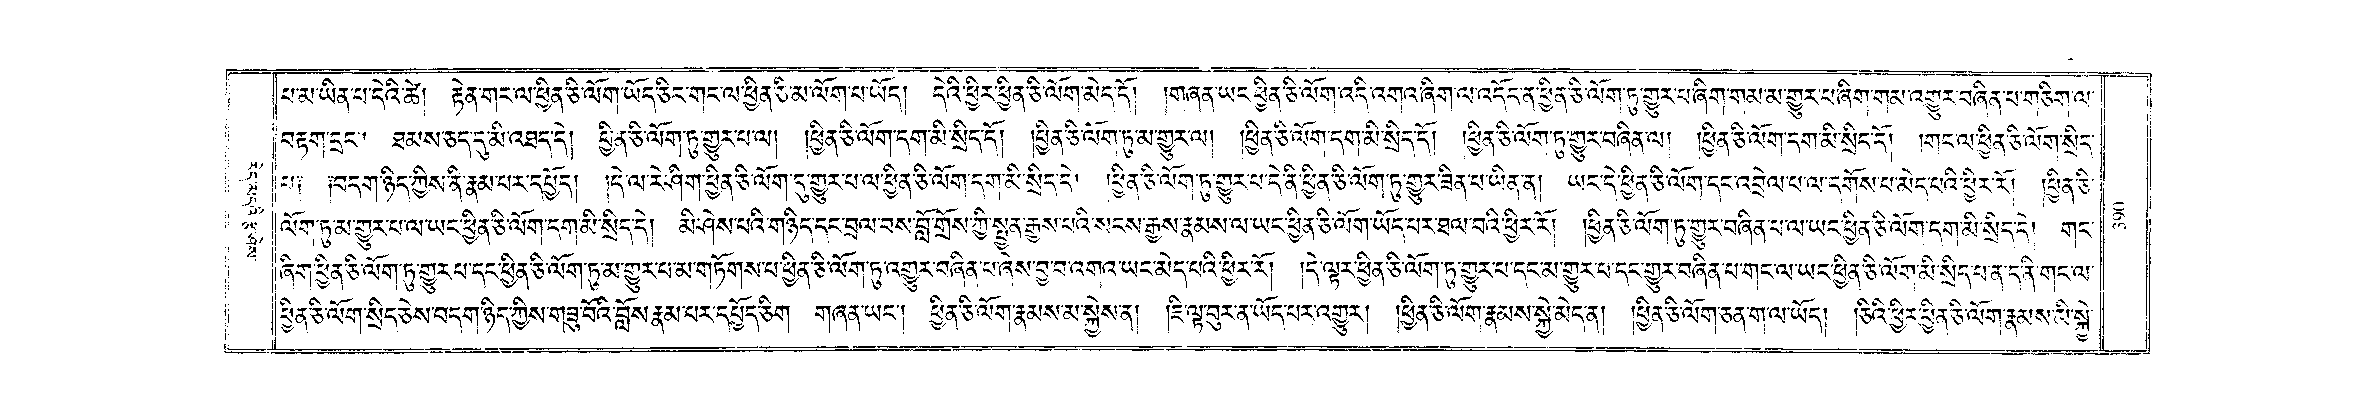པ་མ་ཡིན་པ་དེའི་ཚེ། རྟེན་གང་ལ་ཕྱིན་ཅི་ལོག་ཡོད་ཅིང་གང་ལ་ཕྱིན་ཅི་མ་ལོག་པ་ཡོད། དེའི་ཕྱིར་ཕྱིན་ཅི་ལོག་མེད་དོ། །གཞན་ཡང་ཕྱིན་ཅི་ལོག་འདི་འགའ་ཞིག་ལ་འདོད་ན་ཕྱིན་ཅི་ལོག་ཏུ་གྱུར་པ་ཞིག་གམ་མ་གྱུར་པ་ཞིག་གམ་འགྱུར་བཞིན་པ་གཅིག་ལ་
བརྟག་དྲང་། ཐམས་ཅད་དུ་མི་འཐད་དེ། ཕྱིན་ཅི་ལོག་ཏུ་གྱུར་པ་ལ། །ཕྱིན་ཅི་ལོག་དག་མི་སྲིད་དོ། །ཕྱིན་ཅི་ལོག་ཏུ་མ་གྱུར་ལ། །ཕྱིན་ཅི་ལོག་དག་མི་སྲིད་དོ། །ཕྱིན་ཅི་ལོག་ཏུ་གྱུར་བཞིན་ལ། །ཕྱིན་ཅི་ལོག་དག་མི་སྲིད་དོ། །གང་ལ་ཕྱིན་ཅི་ལོག་སྲིད་
པ༑ ༑བདག་ཉིད་ཀྱིས་ནི་རྣམ་པར་དཔྱོད། །དེ་ལ་རེ་ཤིག་ཕྱིན་ཅི་ལོག་ཏུ་གྱུར་པ་ལ་ཕྱིན་ཅི་ལོག་དག་མི་སྲིད་དེ། །ཕྱིན་ཅི་ལོག་ཏུ་གྱུར་པ་དེ་ནི་ཕྱིན་ཅི་ལོག་ཏུ་གྱུར་ཟིན་པ་ཡིན་ན། ཡང་དེ་ཕྱིན་ཅི་ལོག་དང་འབྲེལ་པ་ལ་དགོས་པ་མེད་པའི་ཕྱིར་རོ། །ཕྱིན་ཅི་
ལོག་ཏུ་མ་གྱུར་པ་ལ་ཡང་ཕྱིན་ཅི་ལོག་དག་མི་སྲིད་དེ། མི་ཤེས་པའི་གཉིད་དང་བྲལ་བས་བློ་གྲོས་ཀྱི་སྤྱན་རྒྱས་པའི་སངས་རྒྱས་རྣམས་ལ་ཡང་ཕྱིན་ཅི་ལོག་ཡོད་པར་ཐལ་བའི་ཕྱིར་རོ། །ཕྱིན་ཅི་ལོག་ཏུ་གྱུར་བཞིན་པ་ལ་ཡང་ཕྱིན་ཅི་ལོག་དག་མི་སྲིད་དེ། གང་
ཞིག་ཕྱིན་ཅི་ལོག་ཏུ་གྱུར་པ་དང་ཕྱིན་ཅི་ལོག་ཏུ་མ་གྱུར་པ་མ་གཏོགས་པ་ཕྱིན་ཅི་ལོག་ཏུ་འགྱུར་བཞིན་པ་ཞེས་བྱ་བ་འགའ་ཡང་མེད་པའི་ཕྱིར་རོ། །དེ་ལྟར་ཕྱིན་ཅི་ལོག་ཏུ་གྱུར་པ་དང་མ་གྱུར་པ་དང་གྱུར་བཞིན་པ་གང་ལ་ཡང་ཕྱིན་ཅི་ལོག་མི་སྲིད་པ་ན་ད་ནི་གང་ལ་
ཕྱིན་ཅི་ལོག་སྲིད་ཅེས་བདག་ཉིད་ཀྱིས་གཟུ་བོའི་བློས་རྣམ་པར་དཔྱོད་ཅིག་གཞན་ཡང་། ཕྱིན་ཅི་ལོག་རྣམས་མ་སྐྱེས་ན། །ཇི་ལྟ་བུར་ན་ཡོད་པར་འགྱུར། །ཕྱིན་ཅི་ལོག་རྣམས་སྐྱེ་མེད་ན། །ཕྱིན་ཅི་ལོག་ཅན་ག་ལ་ཡོད། །ཅིའི་ཕྱིར་ཕྱིན་ཅི་ལོག་རྣམས་མི་སྐྱེ་